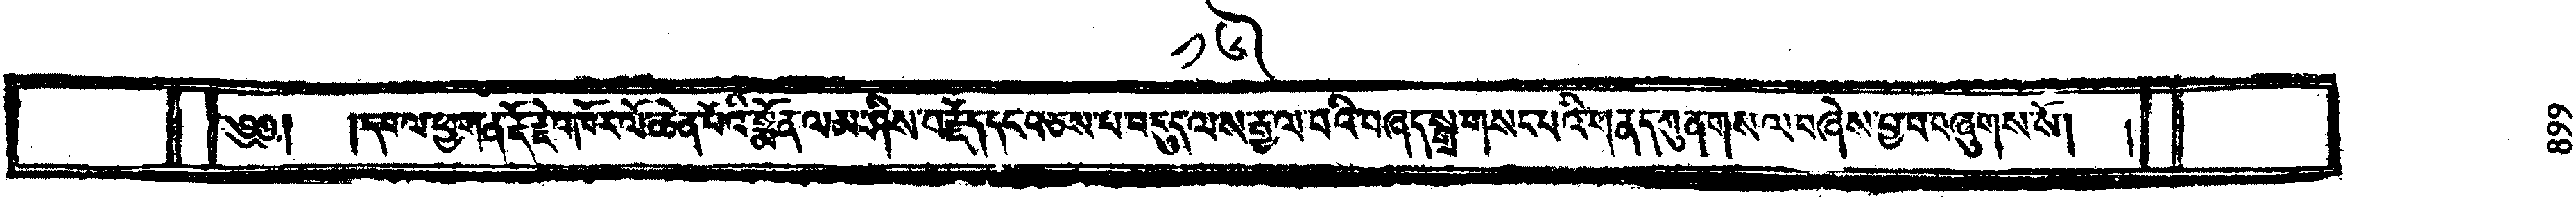༄༅། །དཔལ་ཕྱག་ན་རྡོ་རྗེ་འཁོར་ལོ་ཆེན་པོའི་སྨོན་ལམ་ཤིས་བརྗོད་དང་བཅས་པ་བདུད་ལས་རྒྱལ་བའི་བཞད་སྒྲ་གསང་པའི་གནད་ཀུན་གསལ་བཞེས་བྱ་བ་བཞུགས་སོ། །